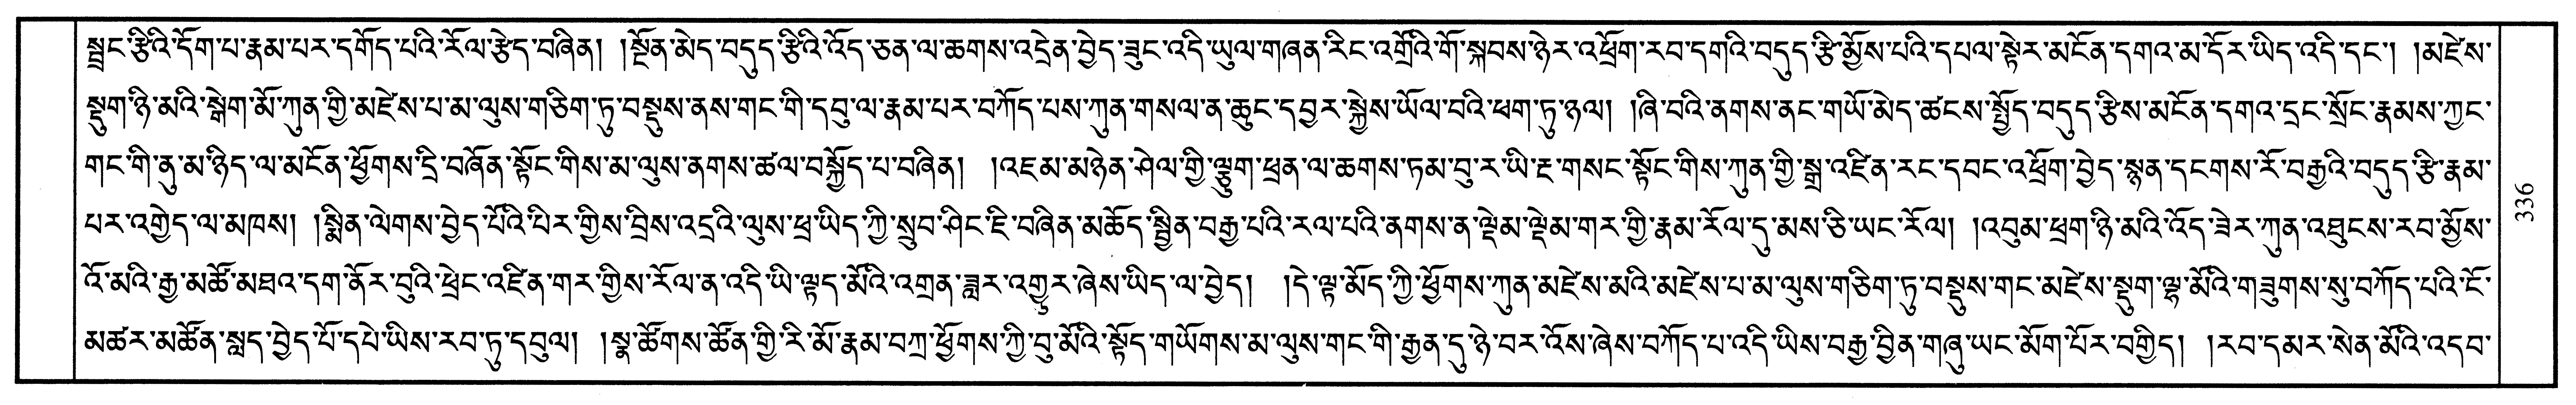སྦྲང་རྩིའི་དོག་པ་རྣམ་པར་དགོད་པའི་རོལ་རྩེད་བཞིན། །སྔོན་མེད་བདུད་རྩིའི་འོད་ཅན་ལ་ཆགས་འདྲེན་བྱེད་ཟུང་འདི་ཡུལ་གཞན་རིང་འགྲོའི་གོ་སྐབས་ཉེར་འཕྲོག་རབ་དགའི་བདུད་རྩི་མྱོས་པའི་དཔལ་སྟེར་མངོན་དགའ་མ་དོར་ཡིད་འདི་དང་། །མཛེས་
སྡུག་ཉི་མའི་སྒེག་མོ་ཀུན་གྱི་མཛེས་པ་མ་ལུས་གཅིག་ཏུ་བསྡུས་ནས་གང་གི་དབུ་ལ་རྣམ་པར་བཀོད་པས་ཀུན་གསལ་ན་ཆུང་དབྱར་སྐྱེས་ཡོལ་བའི་ཕག་ཏུ་ཉལ། །ཞི་བའི་ནགས་ནང་གཡོ་མེད་ཚངས་སྤྱོད་བདུད་རྩིས་མངོན་དགའ་དྲང་སྲོང་རྣམས་ཀྱང་
གང་གི་ནུ་མ་ཉིད་ལ་མངོན་ཕྱོགས་དྲི་བཞོན་སྟོང་གིས་མ་ལུས་ནགས་ཚལ་བསྐྱོད་པ་བཞིན། །འཇམ་མཉེན་ཤེལ་གྱི་ལྕུག་ཕྲན་ལ་ཆགས་ཏམ་བུ་ར་ཡི་རྔ་གསང་སྟོང་གིས་ཀུན་གྱི་སྒྲ་འཛིན་རང་དབང་འཕྲོག་བྱེད་སྙན་དངགས་རོ་བརྒྱའི་བདུད་རྩི་རྣམ་
པར་འགྱེད་ལ་མཁས། །སྨིན་ལེགས་བྱེད་པོའི་པིར་གྱིས་བྲིས་འདྲའི་ལུས་ཕྲ་ཡིད་ཀྱི་སྲུབ་ཤིང་ཇི་བཞིན་མཆོད་སྦྱིན་བརྒྱ་པའི་རལ་པའི་ནགས་ན་ལྡེམ་ལྡེམ་གར་གྱི་རྣམ་རོལ་དུ་མས་ཅི་ཡང་རོལ། །འབུམ་ཕྲག་ཉི་མའི་འོད་ཟེར་ཀུན་འཐུངས་རབ་མྱོས་
འོ་མའི་རྒྱ་མཚོ་མཐའ་དག་ནོར་བུའི་ཕྲེང་འཛིན་གར་གྱིས་རོལ་ན་འདི་ཡི་ལྟད་མོའི་འགྲན་ཟླར་འགྱུར་ཞེས་ཡིད་ལ་བྱེད། །དེ་ལྟ་མོད་ཀྱི་ཕྱོགས་ཀུན་མཛེས་མའི་མཛེས་པ་མ་ལུས་གཅིག་ཏུ་བསྡུས་གང་མཛེས་སྡུག་ལྷ་མོའི་གཟུགས་སུ་བཀོད་པའི་ངོ་
མཚར་མཚོན་སླད་བྱེད་པོ་དཔེ་ཡིས་རབ་ཏུ་དབུལ། །སྣ་ཚོགས་ཚོན་གྱི་རི་མོ་རྣམ་བཀྲ་ཕྱོགས་ཀྱི་བུ་མོའི་སྟོད་གཡོགས་མ་ལུས་གང་གི་རྒྱན་དུ་ཉེ་བར་འོས་ཞེས་བཀོད་པ་འདི་ཡིས་བརྒྱ་བྱིན་གཞུ་ཡང་མོག་པོར་བགྱིད། །རབ་དམར་སེན་མོའི་འདབ་